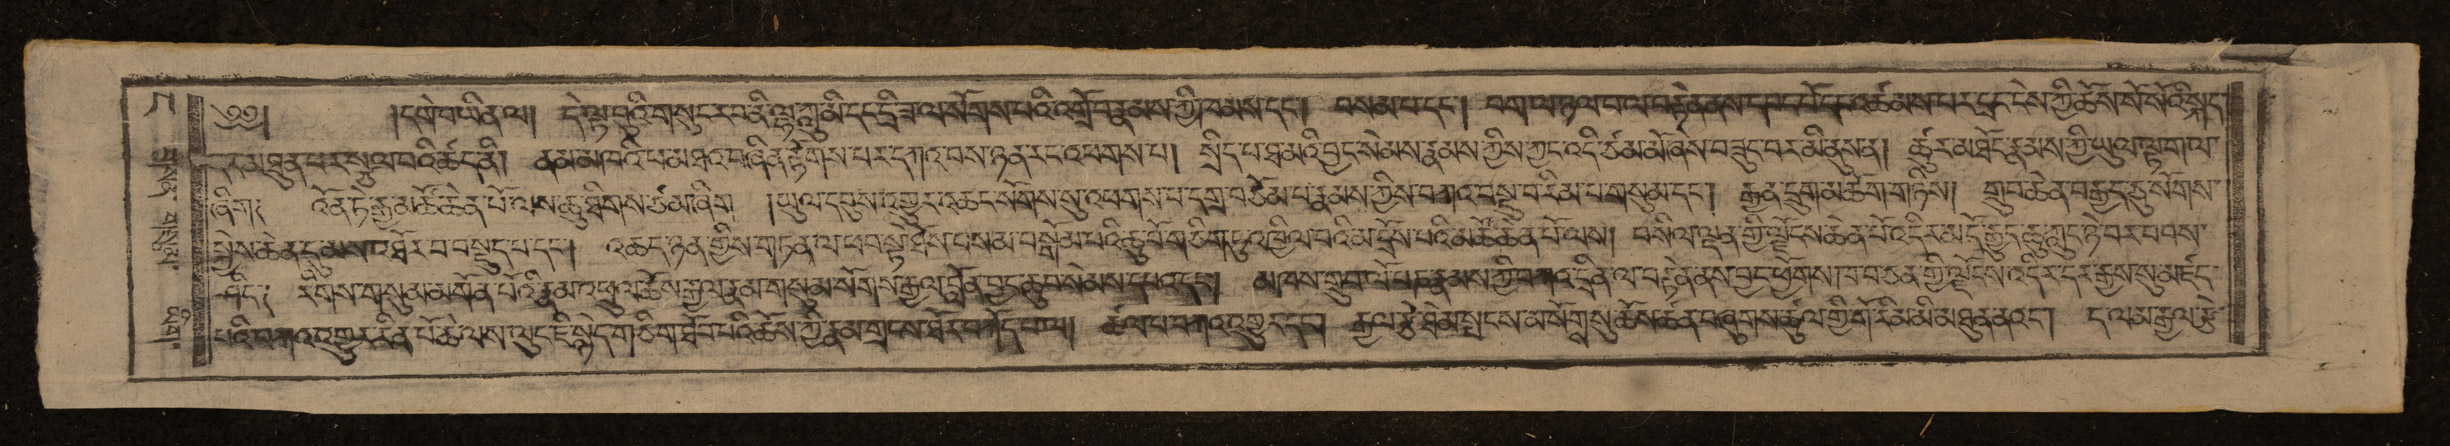༄༅། །དགེ་བ་ཡིན་ལ། དེ་ལྟ་བུའི་གསུང་རབ་ནི་ལྷ་ཀླུ་མི་དང་དྲི་ཟ་ལ་སོགས་པའི་འགྲོ་བ་རྣམས་ཀྱི་ཁམས་དང་། བསམ་པ་དང་། བག་ལ་ཉལ་བ་ལ་བརྟེན་ནས་དབང་པོ་དང་འཚམས་པར་དྲང་ངེས་ཀྱི་ཆོས་སོ་སོའི་སྐད་
དང་མཐུན་པར་སྩལ་བའི་ཚད་ནི། ནམ་མཁའི་ཕ་མཐའ་བཞིན་རྟོགས་བར་དཀའ་བས་ཉན་རང་འཕགས་པ། སྲིད་པ་ཐ་མའི་བྱང་སེམས་རྣམས་ཀྱིས་ཀྱང་འདི་ཙམ་མོ་ཞེས་བཟུང་བར་མི་ནུས་ན། ཚུར་མཐོང་རྣམས་ཀྱི་ཡུལ་ལྟག་ལ་
ཞིག༑ འོ་ན་ཏེ་རྒྱ་མཚོ་ཆེན་པོ་ལས་ཆུ་ཐིགས་ཙམ་ཞིག །ཡུལ་དབུས་འགྱུར་འཆང་སོགས་སུ་འཕགས་པ་དགྲ་བཅོམ་པ་རྣམས་ཀྱིས་བཀའ་བསྡུ་བ་རིམ་པ་གསུམ་དང་། རྒྱན་དྲུག་མཆོག་གཉིས། གྲུབ་ཆེན་བརྒྱད་ཅུ་སོགས་
སྐྱེས་ཆེན་དུ་མས་འཐོར་བ་བསྡུས་པ་དང་། འཆད་ཉན་གྱིས་གཏན་ལ་ཕབ་སྟེ་ཐོས་བསམ་པ་བསྒོམ་པའི་ཆུ་བོ་གཅིག་ཏུ་འཁྱིལ་པའི་མ་དྲོས་པའི་མཚོ་ཆེན་པོ་ལས། བསིལ་ལྡན་གྱི་ལྗོངས་ཆེན་པོ་འདིར་མདོ་རྒྱུད་ཆུ་ཀླུང་ཉེ་བར་བབས་
ཤིང༑ རིགས་གསུམ་མགོན་པོའི་རྣམ་འཕྲུལ་ཆོས་རྒྱལ་རྣམ་གསུམ་སོགས་རྒྱལ་བློན་བྱང་ཆུབ་སེམས་དཔའ་དང་། མཁས་གྲུབ་ལོ་པཎ་རྣམས་ཀྱི་བཀའ་དྲིན་ལ་བརྟེན་ནས་བྱང་ཕྱོགས་ཁ་བ་ཅན་གྱི་ལྗོངས་འདིར་དེར་རྒྱས་སུ་མཛད་
པའི་བཀའ་འགྱུར་རིན་པོ་ཆེ་ལས་ལུང་ཇི་སྙེད་གཅིག་ཐོབ་པའི་ཆོས་ཀྱི་རྣམ་གྲངས་ཐོར་བཀོད་པ་ལ། ཚལ་བ་བཀའ་འགྱུར་དང་། རྒྱལ་རྩེ་ཐེམ་སྤངས་མ་སོགས་སུ་ཆོས་ཚན་བཞུགས་ཚུལ་གྱི་གོ་རིམ་མི་མཐུན་ནའང་། ད་ལམ་རྒྱལ་རྩེ་